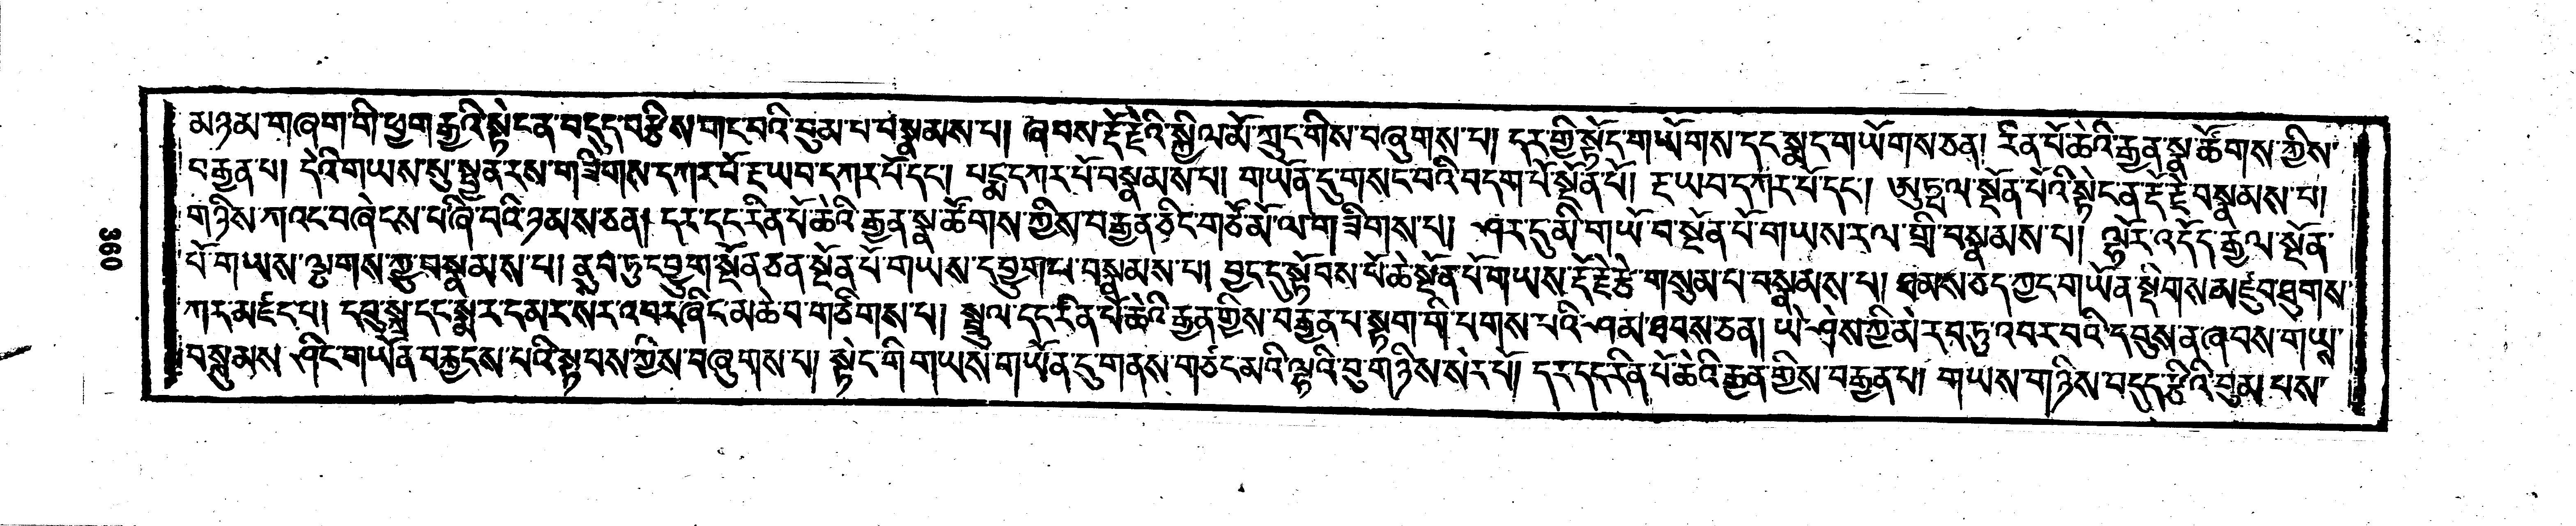མཉམ་གཞག་གི་ཕྱག་རྒྱའི་སྟེང་ན་བདུད་བརྩིས་གང་བའི་བུམ་པ་བསྣམས་པ། ཞབས་རྡོ་རྗེའི་སྐྱིལ་མོ་ཀྲུང་གིས་བཞུགས་པ། དར་གྱི་སྟོད་གཡོགས་དང་སྨད་གཡོགས་ཅན། རིན་པོ་ཆེའི་རྒྱན་སྣ་ཚོགས་ཀྱིས་
བརྒྱན་པ། དེའི་གཡས་སུ་སྤྱན་རས་གཟིགས་དཀར་པོ་རྔ་ཡབ་དཀར་པོ་དང་། པདམ་དཀར་པོ་བསྣམས་པ། གཡོན་དུ་གསང་བའི་བདག་པོ་སྔོན་པོ། རྔ་ཡབ་དཀར་པོ་དང་། ཨུཏྤལ་སྔོན་པོའི་སྟེང་ན་རྡོ་རྗེ་བསྣམས་པ།
གཉིས་ཀའང་བཞེངས་པ་ཞི་བའི་ཉམས་ཅན། དར་དང་རིན་པོ་ཆེའི་རྒྱན་སྣ་ཚོགས་ཀྱིས་བརྒྱན་ཅིང་གཙོ་མོ་ལ་གཟིགས་པ། ཤར་དུ་མི་གཡོ་བ་སྔོན་པོ་གཡས་རལ་གྲི་བསྣམས་པ། ལྷོར་འདོད་རྒྱལ་སྔོན་
པོ་གཡས་ལྕགས་ཀྱུ་བསྣམས་པ། ནུབ་ཏུ་དབྱུག་སྔོན་ཅན་སྔོན་པོ་གཡས་དབྱུག་པ་བསྣམས་པ། བྱང་དུ་སྟོབས་པོ་ཆེ་སྔོན་པོ་གཡས་རྡོ་རྗེ་རྩེ་གསུམ་པ་བསྣམས་པ། ཐམས་ཅད་ཀྱང་གཡོན་སྡིགས་མཛུབ་ཐུགས་
ཀར་མཛད་པ། དབུ་སྐྲ་དང་སྨ་ར་དམར་སེར་འབར་ཞིང་མཆེ་བ་གཙིགས་པ། སྦྲུལ་དང་རིན་པོ་ཆེའི་རྒྱན་གྱིས་བརྒྱན་པ་སྟག་གི་པགས་པའི་ཤམ་ཐབས་ཅན། ཡེ་ཤེས་ཀྱི་མེ་རབ་ཏུ་འབར་བའི་དབུས་ན་ཞབས་གཡས་
བསྐུམས་ཤིང་གཡོན་བརྐྱངས་པའི་སྟབས་ཀྱིས་བཞུགས་པ། སྟེང་གི་གཡས་གཡོན་དུ་གནས་གཙང་མའི་ལྷའི་བུ་གཉིས་སེར་པོ། དར་དང་རིན་པོ་ཆེའི་རྒྱན་གྱིས་བརྒྱན་པ། གཡས་གཉིས་བདུད་རྩིའི་བུམ་པས་